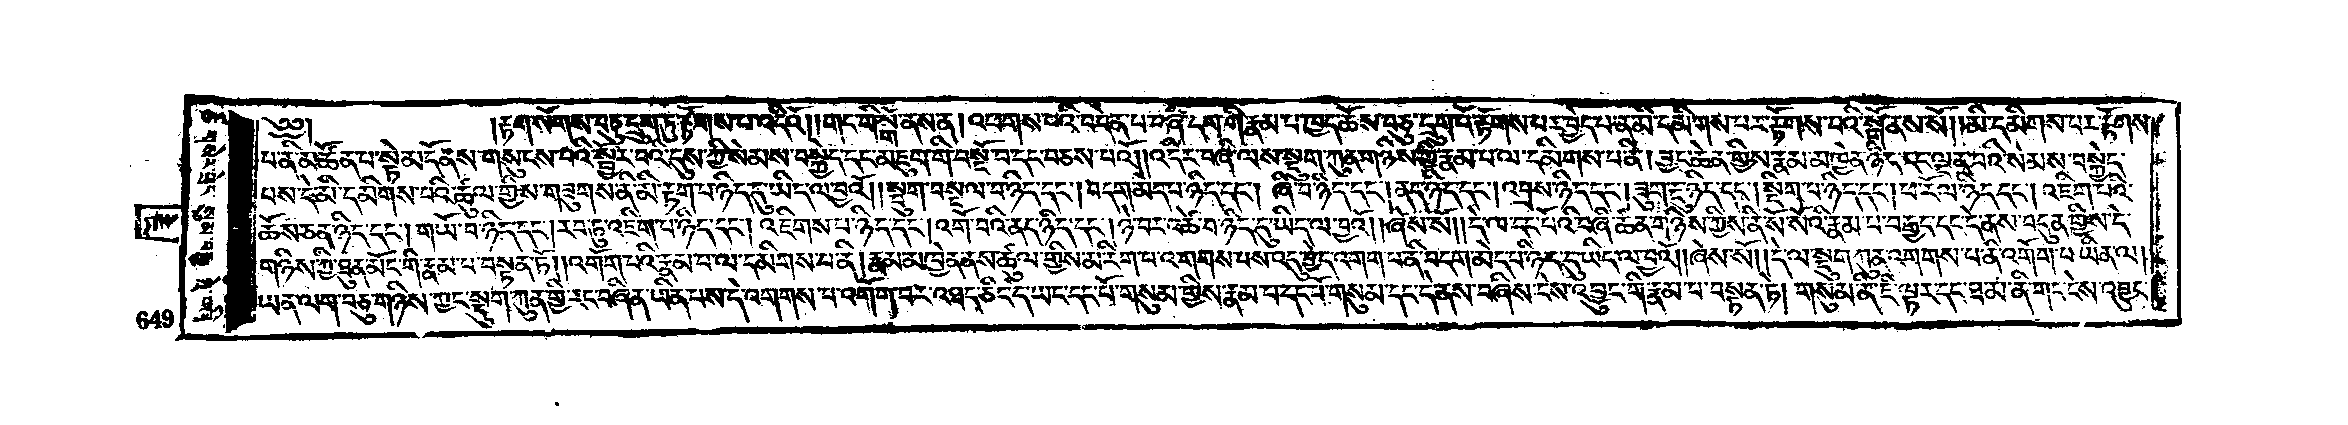༄༅། །རྟག་སོགས་བཅུ་དྲུག་ཏུ་རྟོགས་པ་འདིའོ། །གང་གི་སྒོ་ནས་ན། འཕགས་པའི་བདེན་པ་བཞི་དག་གི་རྣམ་པ་ཁྱད་ཆོས་བཅུ་དྲུག་པོ་རྟོགས་པར་བྱེད་པ་ན་མི་དམིགས་པར་རྟོགས་པའི་སྒོ་ནས་སོ། །མི་དམིགས་པར་རྟོགས་
པ་ནི་མཚོན་པ་སྟེ་མདོ་ནས་གསུངས་པའི་སྦྱོར་བའི་དུས་ཀྱི་སེམས་བསྐྱེད་དང་མཇུག་གི་བསྔོ་བ་དང་བཅས་པའོ། །འདིར་བཞི་ལས་སྡུག་ཀུན་གཉིས་ཀྱི་རྣམ་པ་ལ་དམིགས་པ་ནི། བྱང་ཆེན་གྱིས་རྣམ་མཁྱེན་ཉིད་དང་ལྡན་པའི་སེམས་བསྐྱེད་
པས་དེ་མི་དམིགས་པའི་ཚུལ་གྱིས་གཟུགས་ནི་མི་རྟག་པ་ཉིད་དུ་ཡིད་ལ་བྱའོ། །སྡུག་བསྔལ་བ་ཉིད་དང་། བདག་མེད་པ་ཉིད་དང་། ཞི་བ་ཉིད་དང་། ནད་ཉིད་དང་། འབྲས་ཉིད་དང་། ཟུག་རྡུ་ཉིད་དང་། སྡིག་པ་ཉིད་དང་། ཕ་རོལ་ཉིད་དང་། འཇིག་པའི་
ཆོས་ཅན་ཉིད་དང་། གཡོ་བ་ཉིད་དང་། རབ་ཏུ་འཇིག་པ་ཉིད་དང་། འཇིགས་པ་ཉིད་དང་། འགོ་བའི་ནད་ཉིད་དང་། ཉེ་བར་འཚེ་བ་ཉིད་དུ་ཡིད་ལ་བྱའོ། །ཞེས་སོ། །དེ་ལ་དང་པོའི་བཞི་ཚན་གཉིས་ཀྱིས་ནི་སོ་སོའི་རྣམ་པ་བརྒྱད་དང་དེ་ནས་བདུན་གྱིས་དེ་
གཉིས་ཀྱི་ཐུན་མོང་གི་རྣམ་པ་བསྟན་ཏོ། །འགོག་པའི་རྣམ་པ་ལ་དམིགས་པ་ནི། རྣམ་མཁྱེན་ནས་ཚུལ་གྱིས་མ་རིག་པ་འགགས་པས་འདུ་བྱེད་འགག་པ་ནི་བདག་མེད་པ་ཉིད་དུ་ཡིད་ལ་བྱའོ། །ཞེས་སོ། །དེ་ལ་སྡུག་ཀུན་འགགས་པ་ནི་འགོག་པ་ཡིན་ལ།
ཡན་ལག་བཅུ་གཉིས་ཀྱང་སྡུག་ཀུན་གྱི་རང་བཞིན་ཡིན་པས་དེ་འགགས་པ་འགོག་པར་འཐད་ཅིང་དེ་ཡང་དང་པོ་གསུམ་གྱིས་རྣམ་པ་དང་པོ་གསུམ་དང་དེ་ནས་བཞིས་ངེས་འབྱུང་གི་རྣམ་པ་བསྟན་ཏེ། གསུམ་ནི་ཇི་ལྟར་དང་ཐ་མ་ནི་གང་ངེས་འབྱུང་